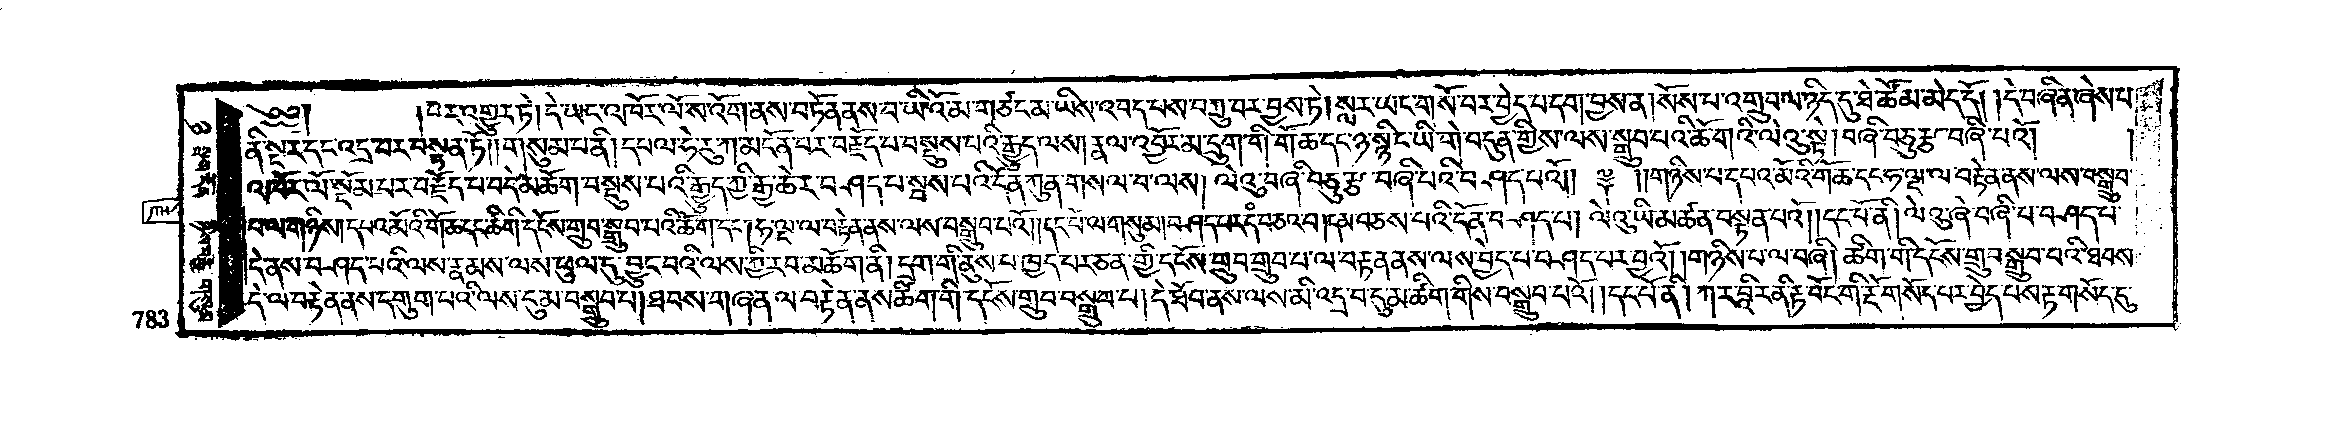༄༅། །བར་འགྱུར་ཏེ། དེ་ཡང་འཁོར་ལོ་ས་འོག་ནས་བཏོན་ནས་པ་ཡི་འོ་མ་གཙང་མ་ཡིས་འབད་པས་བཀྲུ་བར་བྱས་ཏེ། སླར་ཡང་གསོ་བར་བྱེད་པ་དག་བྱས་ན། སོས་པ་འགྲུབ་པ་ཉིད་དུ་ཐེ་ཚོམ་མེད་དོ། །དེ་བཞིན་ཞེས་པ་
ནི་སྔར་དང་འདྲ་བར་བསྟན་ཏོ། །གསུམ་པ་ནི། དཔལ་ཧེ་རུ་ཀ་མངོན་པར་བརྗོད་པ་བསྡུས་པའི་རྒྱུད་ལས། རྣལ་འབྱོར་མ་དྲུག་གི་གོ་ཆ་དང་ཉ་སྙིང་ཡི་གེ་བདུན་གྱིས་ལས་སྒྲུབ་པའི་ཆོ་གའི་ལེའུ་སྟེ། བཞི་བཅུ་རྩ་བཞི་པའོ། །
འཁོར་ལོ་སྡོམ་པར་བརྗོད་པ་བདེ་མཆོག་བསྡུས་པའི་རྒྱུད་ཀྱི་རྒྱ་ཆེར་བཤད་པ་སྦས་པའི་དོན་ཀུན་གསལ་བ་ལས། ལེའུ་བཞི་བཅུ་རྩ་བཞི་པའི་བཤད་པའོ།། ༈ །།གཉིས་པ་དཔའ་མོའི་གོ་ཆ་དང་ཧ་ལྔ་ལ་བརྟེན་ནས་ལས་བསྒྲུབ་
པ་ལ་གཉིས་དཔའ་མོའི་གོ་ཆ་དང་ཚིག་གི་དངོས་གྲུབ་སྒྲུབ་པའི་ཆོ་ག་དང་། ཧ་ལྔ་ལ་བརྟེན་ནས་ལས་བསྒྲུབ་པའོ། །དང་པོ་ལ་གསུམ། བཤད་པར་དཾ་བཅའ་བ། དམ་བཅས་པའི་དོན་བཤད་པ། ལེའུ་ཡི་མཚན་བསྟན་པའོ། །དང་པོ་ནི། ལེའུ་ཞེ་བཞི་པ་བཤད་པ་
དེ་ནས་བཤད་པའི་ལས་རྣམས་ལས་ཕུལ་དུ་བྱུང་བའི་ལས་ཀྱི་རབ་མཆོག་ནི། ངག་གི་ནུས་པ་ཁྱད་པར་ཅན་གྱི་དངོས་གྲུབ་གྲུབ་པ་ལ་བརྟན་ནས་ལས་བྱེད་པ་བཤད་པར་བྱའོ། །གཉིས་པ་ལ་བཞི། ཚིག་གི་དངོས་གྲུབ་སྒྲུབ་པའི་ཐབས་
དེ་ལ་བརྟེན་ནས་དགུག་པའི་ལས་དུ་མ་བསྒྲུབ་པ། ཐབས་གཞན་ལ་བརྟེན་ནས་ཚིག་གི་དངོས་གྲུབ་བསྒྲུབ་པ། དེ་ཐོབ་ནས་ལས་མི་འདྲ་བ་དུ་མ་ཚིག་གིས་བསྒྲུབ་པའོ། །དང་པོ་ནི། ཀ་ར་བཱི་ར་ནི་རྟ་བོང་གི་རྔོ་གསོད་པར་བྱེད་པས་རྟ་གསོད་དུ་